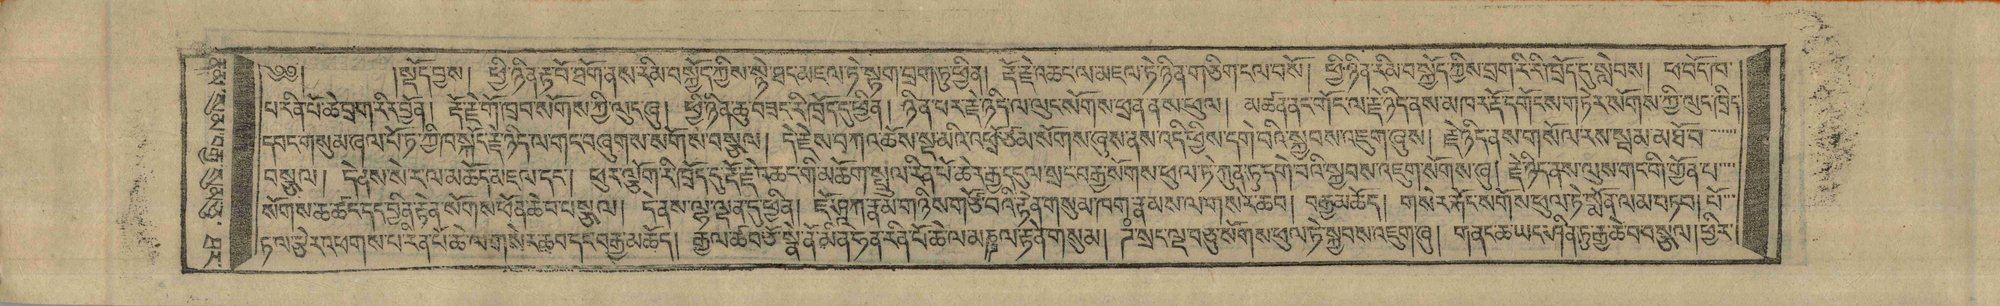༄༅། །སྡོད་བྱས། ཕྱི་ཉིན་རྟ་བོ་ཐོག་ནས་རིམ་བསྐྱོད་ཀྱིས་སྙེ་ཐང་མཇལ་ཏེ་སྟག་བྲག་ཏུ་ཕྱིན། རྡོ་རྗེ་འཆང་ལ་མཇལ་ཏེ་ཉིན་གཅིག་ངལ་བསོ། ཕྱི་ཉིན་རིམ་བསྐྱོད་ཀྱིས་བྲག་རི་རི་ཁྲོད་དུ་སླེབས། ཕ་བོང་ཁ་
པ་རིན་པོ་ཆེ་བྲག་རིར་བྱོན། རྡོ་རྗེ་གོ་ཁྲབ་སོགས་ཀྱི་ལུང་ཞུ། ཕྱི་ཉིན་ཆུ་བཟང་རི་ཁྲོད་དུ་ཕྱིན། ཉིན་པར་རྗེ་ཉིད་ལ་ལུང་སོགས་ཕྲན་ནས་ཕུལ། མཚན་ནང་གོང་ལ་རྗེ་ཉིད་ནས་མཁར་རྡོ་དགོངས་གཏེར་སོགས་ཀྱི་ལུང་ཁྲིད་
དབང་གསུམ་ཞལ་པོ་ཏ་ཀྱི་ཁ་སྐོང་རྗེ་ཉིད་ལ་གང་བཞུགས་སོགས་བསྩལ། དེ་རྗེས་བཀའ་ཆོས་སྔ་མའི་འཕྲོ་ཙམ་སོགས་ཞུས་ནས་འདི་ཕྱིས་དགེ་བའི་སྐྱབས་འཇུག་ཞུས། རྗེ་ཉིད་ནས་གསོལ་རས་སྦམ་མཐོ་ཕ༹བ་
བསྩལ། དེ་ནས་སེ་ར་ལ་མཆོད་མཇལ་དང་། ཕུར་ལྕོག་རི་ཁྲོད་དུ་རྡོ་རྗེ་འཆང་གི་མཆོག་སྤྲུལ་རིན་པོ་ཆེར་རྒྱ་དངུལ་སྲང་བརྒྱ་སོགས་ཕུལ་ཧེ་ཀུན་ཏུ་དགེ་བའི་སྐྱབས་འཇུག་སོགས་ཞུ། རྗེ་ཉིད་ནས་ལུས་གང་གི་གྱོན་པ་
སོགས་ཆ་ཚང་དང་བྱིན་རྟེན་སོགས་ཕོན་ཆེ་བ་བསྩལ། དེ་ནས་ལྷ་ལྡན་དུ་ཕྱིན། ཇོ་ཤཱཀ་རྣམ་གཉིས་གཙོ་བའི་རྟེན་གསུམ་ཁག་རྣམས་ལ་གསེར་ཆབ། བརྒྱ་མཆོད། གསེར་རྐོང་སོགས་ཕུལ་ཏེ་སྨོན་ལམ་བཏབ། པོ་
ཏ་ལ་རྩེར་འཕགས་པ་རིན་པོ་ཆེ་ལ་གསེར་ཆབ་དང་བརྒྱ་མཆོད། རྒྱལ་ཚབ་ཅོ་སྣེ་ནོ་མིན་ཧན་རིན་པོ་ཆེ་ལ་མཎྜལ་རྟེན་གསུམ། ཌཾ་སྲང་ལྔ་བཅུ་སོགས་ཕུལ་ཏེ་སྐྱབས་འཇུག་ཞུ། གནང་ཆ་ཡང་ཤིན་ཏུ་རྒྱ་ཆེ་བ་བསྩལ། ཕྱིར་